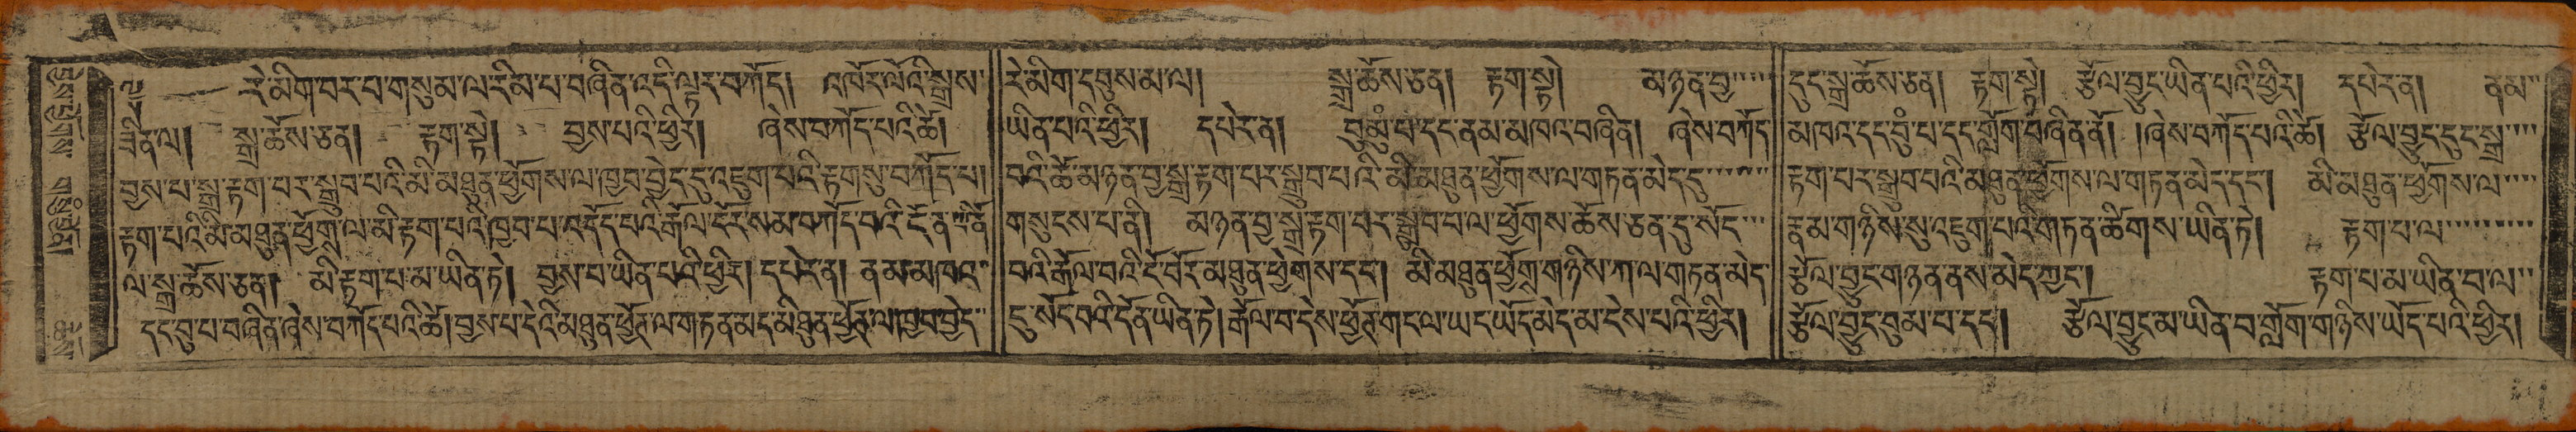༈ རེ་མིག་བར་པ་གསུམ་ལ་རིམ་པ་བཞིན་འདི་ལྟར་བཀོད། འཁོར་ལོའི་སྒྲས་ཟིན་ལ། སྒྲ་ཆོས་ཅན། རྟག་སྟེ། བྱས་པའི་ཕྱིར། ཞེས་བཀོད་པའི་ཚེ། བྱས་པ་སྒྲ་རྟག་པར་སྒྲུབ་པའི་མི་མཐུན་ཕྱོགས་ལ་ཁྱབ་བྱེད་དུ་འཇུག་པའི་རྟགས་སུ་བཀོད་པ། རྟག་པའི་མི་མཐུན་ཕྱོགས་ལ་མི་རྟག་པའི་ཁྱབ་པ་འདོད་པའི་རྒོལ་ངོར་སམ་བཀོད་པའི་དོན་ཡིན་ནོ་ལ་སྒྲ་ཆོས་ཅན། མི་རྟག་པ་མ་ཡིན་ཏེ། བྱས་པ་ཡིན་པའི་ཕྱིར། དཔེར་ན། ནམ་མཁའ་དང་བུམ་པ་བཞིན་ཞེས་བཀོད་པའི་ཚེ། བྱས་པ་དེའི་མཐུན་ཕྱོགས་ལ་གཏན་མང་མི་མཐུན་ཕྱོགས་ལ་ཁྱབ་བྱེད་
རེ་མིག་དབུས་མ་ལ། སྒྲ་ཆོས་ཅན། རྟག་སྟེ། མཉན་བྱ་ཡིན་པའི་ཕྱིར། དཔེར་ན། བུམ་པ་བུམ་པ་དང་ནམ་མཁའ་བཞིན། ཞེས་བཀོད་བའི་ཚེ་མཉན་བྱ་སྒྲ་རྟག་པར་སྒྲུབ་པའི་མི་མཐུན་ཕྱོགས་ལ་གཏན་མེད་དུ་གསུངས་པ་ནི། མཉན་བྱ་སྒྲ་རྟག་པར་སྒྲུབ་པ་ལ་ཕྱོགས་ཆོས་ཅན་དུ་སོང་བའི་རྒོལ་བའི་ངོ་བོར་མཐུན་ཕྱོགས་དང་། མི་མཐུན་ཕྱོགས་གཉིས་ཀ་ལ་གཏན་མེད་དུ་སོང་བའི་དོན་ཡིན་ཏེ། རྒོལ་བ་དེས་ཕྱོགས་གང་ལ་ཡང་ཡོད་མེད་མ་ངེས་པའི་ཕྱིར།
དུང་སྒྲ་ཆོས་ཅན། རྟག་སྟེ། རྩོལ་བྱུང་ཡིན་པའི་ཕྱིར། དཔེར་ན། ནམ་མཁའ་དང་བུམ་པ་དང་གློག་བཞིན་ནོ། །ཞེས་བཀོད་པའི་ཚེ། རྩོལ་བྱུང་དུང་སྒྲ་རྟག་པར་སྒྲུབ་པའི་མཐུན་ཕྱོགས་ལ་གཏན་མེད་དང་། མི་མཐུན་ཕྱོགས་ལ་རྣམ་གཉིས་སུ་འཇུག་པའི་གཏན་ཚིགས་ཡིན་ཏེ། རྟག་པ་ལ་རྩོལ་བྱུང་གཉན་ནས་མེད་ཀྱང་། རྟག་པ་མ་ཡིན་པ་ལ་རྩོལ་བྱུང་བུམ་པ་དང་། རྩོལ་བྱུང་མ་ཡིན་པ་གློག་གཉིས་ཡོད་པའི་ཕྱིར།